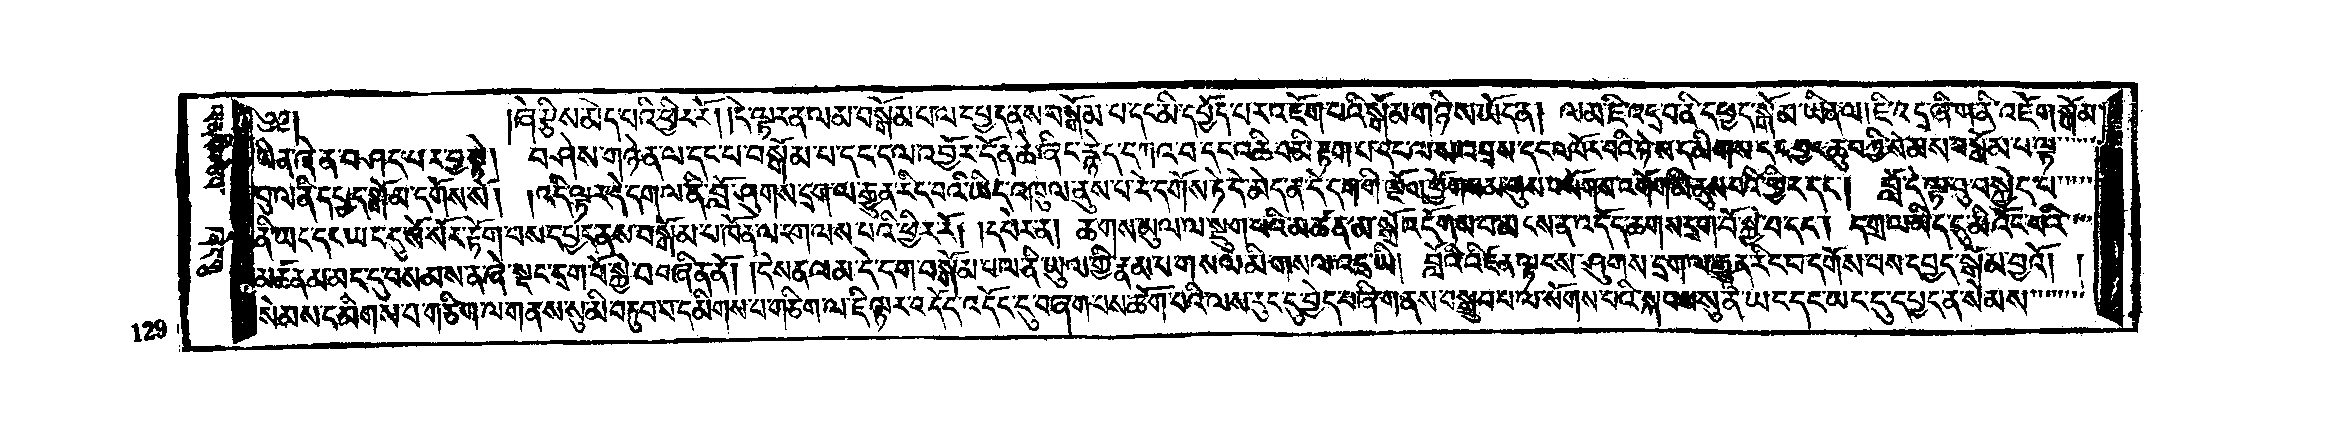༄༅། །ཞེ་རྩིས་མེད་པའི་ཕྱིར་རོ། །དེ་ལྟར་ན་ལམ་བསྒོམ་པ་ལ་དཔྱད་ནས་བསྒོམ་པ་དང་མི་དཔྱོད་པར་འཇོག་པའི་སྒོམ་གཉིས་ཡོད་ན། ལམ་ཇི་འདྲ་བ་ནི་དཔྱད་སྒོམ་ཡིན་ལ། ཇི་འདྲ་ཞིག་ནི་འཇོག་སྒོམ་
ཡིན་ཞེ་ན་བཤད་པར་བྱ་སྟེ། བཤེས་གཉེན་ལ་དད་པ་བསྒོམ་པ་དང་དལ་འབྱོར་དོན་ཆེ་ཞིང་རྙེད་དཀའ་བ་དང་འཆི་བ་མི་རྟག་པ་དང་ལས་འབྲས་དང་འཁོར་བའི་ཉེས་དམིགས་དང་བྱང་ཆུབ་ཀྱི་སེམས་བསྒོམ་པ་ལྟ་
བུ་ལ་ནི་དཔྱད་སྒོམ་དགོས་སོ། །འདི་ལྟར་དེ་དག་ལ་ནི་བློ་ཤུགས་དྲག་ལ་རྒྱུན་རིང་བའི་ཡིད་འཁུལ་ནུས་པ་རེ་དགོས་ཏེ་དེ་མེད་ན་དེ་དག་གི་ལྡོག་ཕྱོགས་མ་གུས་བསོགས་འགོག་མི་ནུས་པའི་ཕྱིར་དང་། བློ་དེ་ལྟ་བུ་བསྐྱེད་པ་
ནི་ཡང་དང་ཡང་དུ་སོ་སོར་རྟོག་པས་དཔྱད་ནས་བསྒོམ་པ་ཁོན་ལ་རག་ལས་པའི་ཕྱིར་རོ། །དཔེར་ན། ཆགས་ཡུལ་ལ་སྡུག་པའི་མཚན་མ་སྒྲོ་འདོགས་པ་མངས་ན་འདོད་ཆགས་དྲག་པོ་སྐྱེ་བ་དང་། དགྲ་ལ་ཡིད་དུ་མི་འོང་བའི་
མཚན་མ་མང་དུ་བསམས་ན་ཞེ་སྡང་དྲག་པོ་སྐྱེ་བ་བཞིན་ནོ། །དེས་ན་ལམ་དེ་དག་བསྒོམ་པ་ལ་ནི་ཡུལ་གྱི་རྣམ་པ་གསལ་མི་གསལ་འདྲ་ཡི། བློའི་འཛིན་སྟངས་ཤུགས་དྲག་ལ་རྒྱུན་རིང་བ་དགོས་པས་དཔྱད་སྒོམ་བྱའོ། །
སེམས་དམིགས་པ་གཅིག་ལ་གནས་སུ་མི་བཏུབ་པ་དམིགས་པ་གཅིག་ལ་ཇི་ལྟར་འདོད་འདོད་དུ་བཞག་པས་ཆོག་པའི་ལས་རུང་དུ་བྱེད་པ་ཞི་གནས་བསྒྲུབ་པ་ལ་སོགས་པའི་སྐབས་སུ་ནི་ཡང་དང་ཡང་དུ་དཔྱད་ན་སེམས་